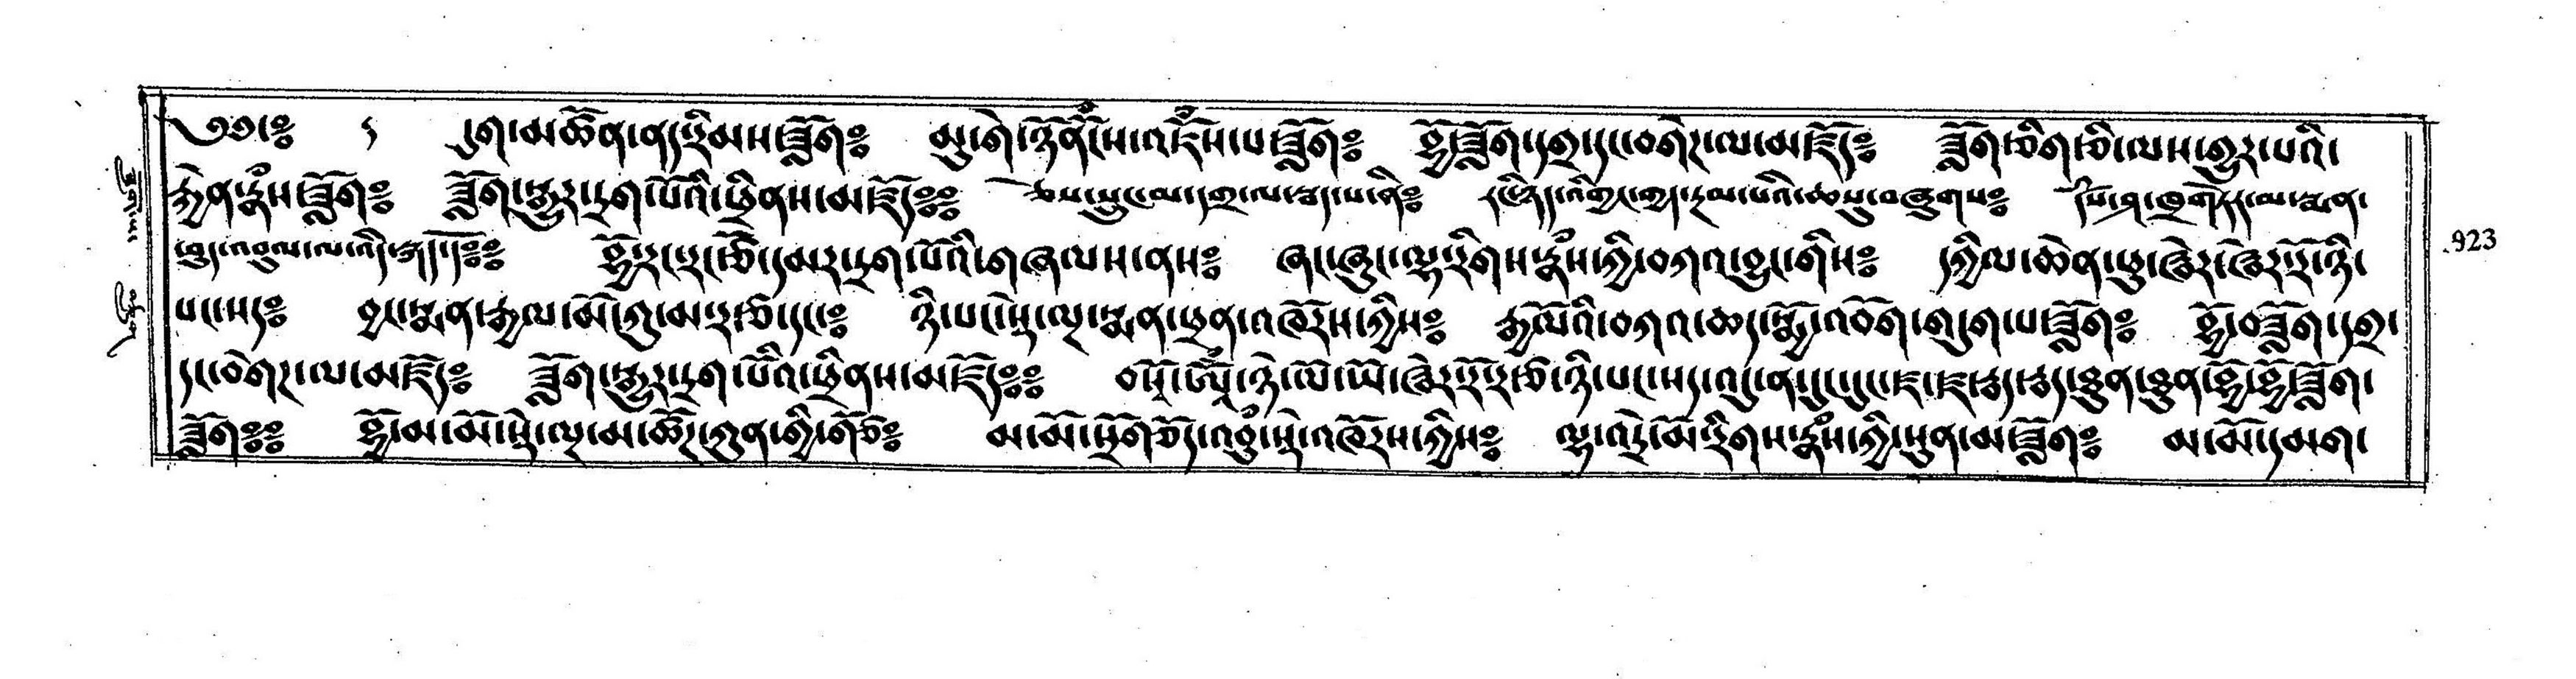དུག་མཚོན་ནད་རིམས་ཟློག༔ མུ་གེ་ཉོན་མོངས་འཇོམས་པ་ཟློག༔ བྷྱོ་ཟློག་དགྲ་དང་བགེགས་ལ་མཛོད༔ ཟློག་ཅིག་ཅི་ལས་གྱུར་པའི་
རྐྱེན་རྣམས་ཟློག༔ ཟློག་སྒྱུར་དྲག་པོའི་ཕྲིན་ལས་མཛོད༔༔ ཅེས་སྲུང་མ་དགྲ་ལ་སྦད་པ་ནི༔ རང་ཉིད་འགྱིང་གྱད་རྔམ་པའི་ཆས་སུ་བཞུགས༔ དམ་རྫས་ཤ་ཁྲག་གཏོར་མ་སྨན་
ཕུད་འབུལ་ལ་འདི་སྐད་དོ༔༔ བྷྱོ་རང་རང་ཙོ་དམར་དྲག་པོའི་གཞལ་ཡས་ནས༔ ཞང་ཞུང་ལྷ་རིགས་རྣམས་ཀྱི་བཀའ་བྱུང་གིས༔ དཀྱིལ་ཆེན་ཕུ་ཝེར་ཝེར་རོ་ཉི་
པང་སད༔ བྱང་སྨན་རྒྱལ་མོ་ཀུ་མ་ར་ཙ་དང་༔ ཉི་པང་སྡེ་ལྔ་སྨན་ཕྲན་འཁོར་བཅས་ཀྱིས༔ རྒྱལ་པོའི་བཀའ་ཆད་སྨྱོ་འབོག་གདུག་པ་ཟློག༔ བྷྱོ་བཟློག་དགྲ་
དང་བགེགས་ལ་མཛོད༔ ཟློག་སྒྱུར་དྲག་པོའི་ཕྲིན་ལས་མཛོད༔༔ བསྭོ་ཨཱོཾ་ཉེ་ལོ་ཡོ་ཝེར་རོ་ར་ཙ་ཉི་པང་སད་འདུ་ན་དུང་དུང་ཛ་ཛ་རྦད་རྦད་ཐུན་ཐུན་བྷྱོ་བྷྱོ་ཟློག་
ཟློག༔༔ བྷྱོ་མ་མོ་སྡེ་ལྔ་མ་ཚོགས་ཀུན་གྱི་གཙོ༔ མ་མོ་སྲོག་གཅོད་འབུམ་སྡེ་འཁོར་བཅས་ཀྱིས༔ ལྷ་འདྲེ་མོ་རིགས་རྣམས་ཀྱི་སུན་མ་ཟློག༔ མ་མོ་དམག་